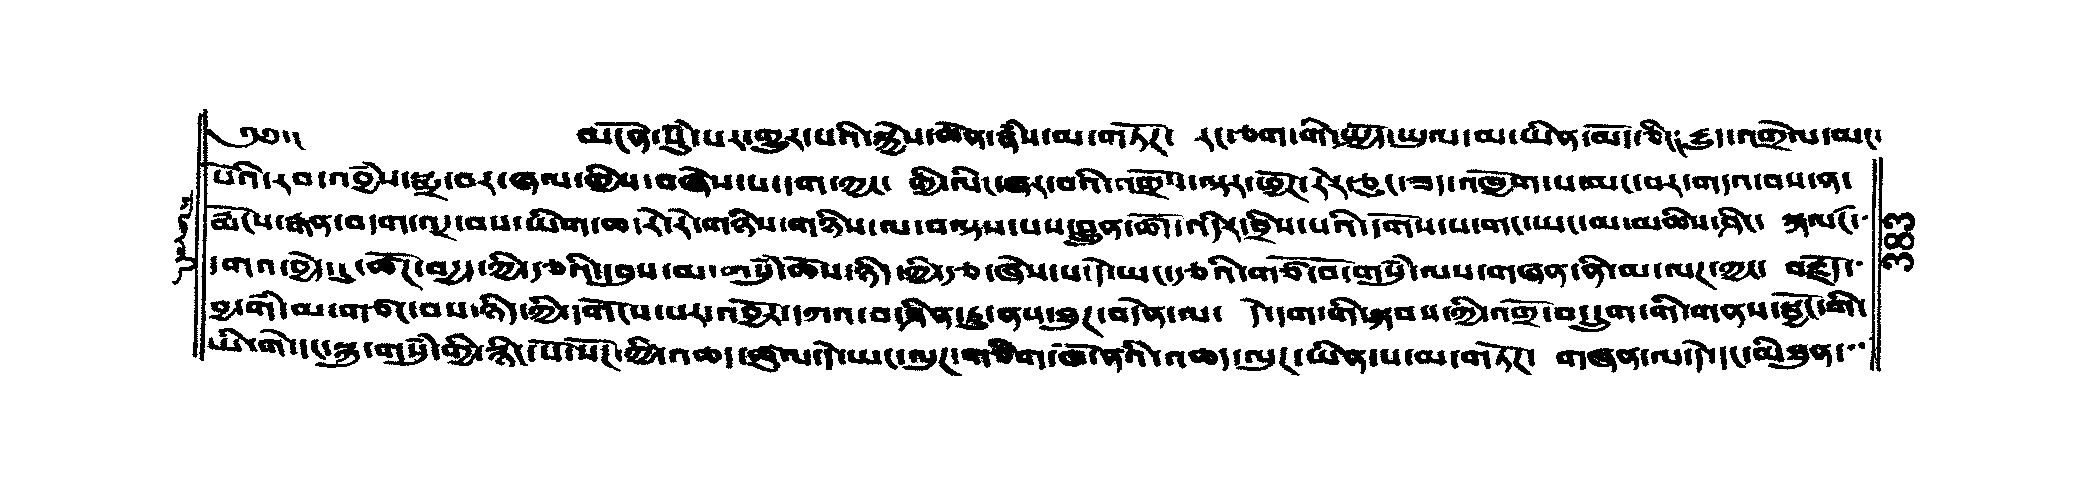མངོན་སུམ་པར་གྱུར་པའི་སྐྱེས་ཆེན་རྣམས་མ་གཏོགས། རང་ཅག་གི་སྤྱོད་ཡུལ་མ་ཡིན་མོད་ཅིང་། རྒྱུད་འགྲེལ་མང་
པོའི་རབ་འབྱམས་སྨྲ་བར་ཞལ་གྱིས་བཞེས་པ་དག་ཀྱང་། གྱི་ལིང་ཞར་བའི་འགྲོས་ལྟར་ཕྱོགས་ལྟར་ཕྱོགས་རེར་ཅུང་ཟད་འཁྱོག་པ་མང་བར་གདའ་བས་ན། 
རྨོངས་རྒན་བདག་འདྲ་བས་ཡིག་ཆ་རེ་རེ་གཉིས་གཉིས་ལ་བལྟས་པས་བླུན་ཚོད་འདིར་བྲིས་པའི་དགོས་པ་གང་ཡང་མ་མཆིས་ཤིང་། སྐལ་བཟང་
དགའ་བྱེད་དུ་ཚོགས་བརྒྱད་ཀྱི་རྩའི་དབུས་མ་གསུམ་ཆོས་ཉིད་ཀྱི་རྩ་ཞེས་པ་དེ་ཡང་རྩ་གཙོ་བོ་གསུམ་ལས་གཞན་ནི་མ་ལགས་ཀྱང་། བརྗོད་
བྱ་འགམ་མ་གཙང་བས་ཉིད་ཀྱི་དགོངས་པར་འབྱོར་དཀའ་བ་ཤིན་ཏུ་ནས་ཐུགས་བདེན་ལ། དེ་དག་གི་སྐབས་ཀྱི་འགྲོ་བ་དྲུག་གི་གནས་སྦྱོང་གི་
ཡི་གེ་དང་སྐུ་གསུམ་གྱི་སྙིང་པོ་སོགས་ཀྱི་འཆད་ཚུལ་དེ་ཡང་ལུགས་གཅིག་ཁོ་ནའི་འཆད་ལུགས་ཡིན་པ་མ་གཏོགས།གཞན་ལ་དེ་དང་མི་མཐུན་